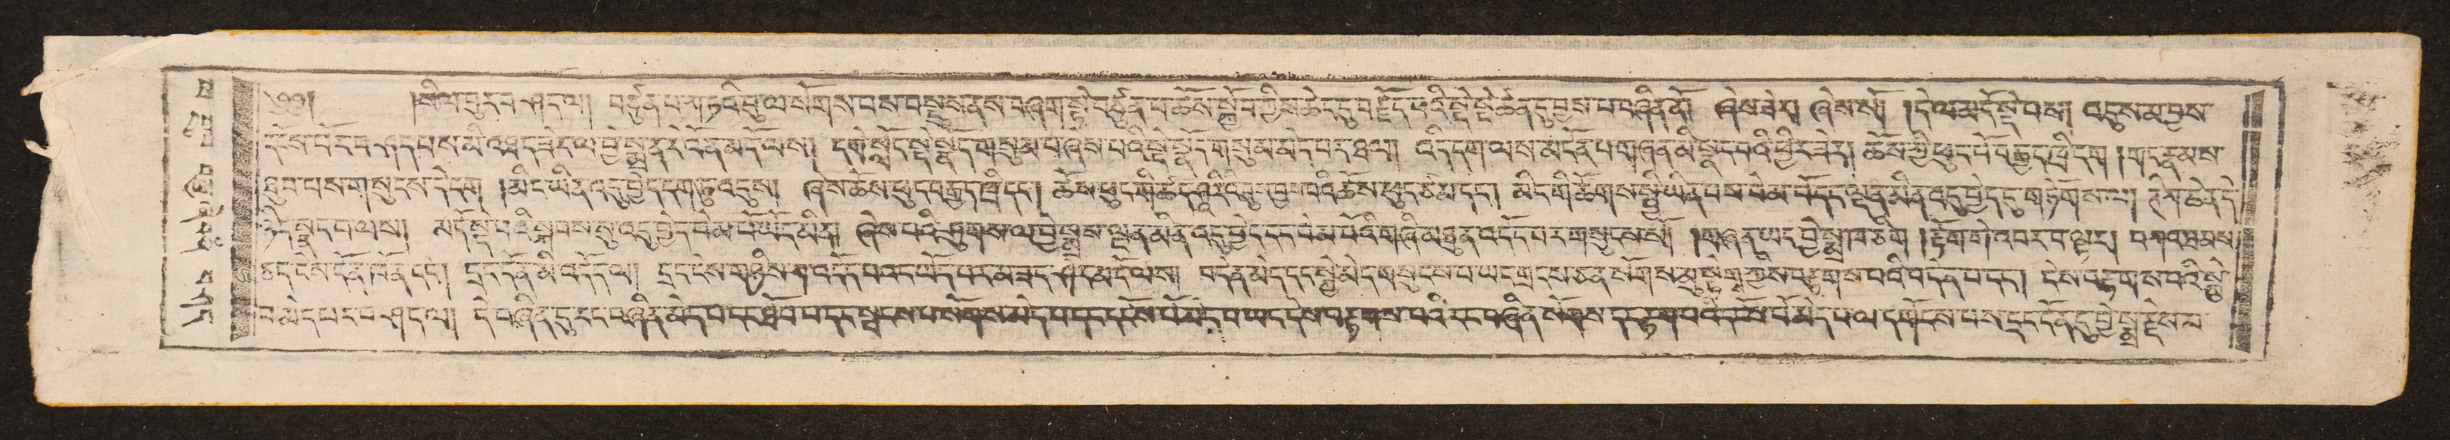༄༅། །སིལ་བུར་བཤད་ལ། བཙུན་པ་ཀ་ཏའི་བུ་ལ་སོགས་པས་བསྡུས་ནས་བཞག་སྟེ་བཙུན་པ་ཆོས་སྐྱོབ་ཀྱིས་ཆེད་དུ་བརྗོད་པའི་སྡེ་སྡེ་ཚན་དུ་བྱས་པ་བཞིན་ནོ། ཞེས་ཟེར། ཞེས་སོ། །དེ་ལ་མདོ་སྡེ་པས། འདུས་མ་བྱས་
དངོས་པོར་བཤད་པས་མི་འཐད་ཟེར་ལ་བྱེ་སྨྲ་ན་རེ་འོན་མདོ་ལས། དགེ་སློང་སྡེ་སྣོད་གསུམ་པ་ཞེས་པའི་སྡེ་སྣོད་གསུམ་མེད་པར་ཐལ། འདི་དག་ལས་མངོན་པ་གཞན་མི་སྣང་བའི་ཕྱིར་ཟེར། ཆོས་ཀྱི་ཕུང་པོ་བརྒྱད་ཁྲི་དག །གང་རྣམས་
ཐུབ་པས་གསུངས་དེ་དག །མིང་ཡིན་འདུ་བྱེད་དག་ཏུ་འདུས། ཞེས་ཆོས་ཕུང་བརྒྱད་ཁྲི་དང་། ཆོས་ཕུང་གི་ཚད་ཤཱ་རིའི་བུས་བྱས་པའི་ཆོས་ཕུང་ཙམ་དང་། མིང་གི་ཚོགས་སྤྱི་ཡིན་པས་བེམ་པོ་དང་ལྡན་མིན་འདུ་བྱེད་དུ་གཏོགས་ལ། ཊིཀ་ཆེན་དེ་
ཉིད་སྣང་བ་ལས། མདོ་སྡེ་པའི་སྐབས་སུ་འདུ་བྱེད་བེམ་པོ་ཡོད་མིན། ཞེས་པའི་ཤུགས་ལ་བྱེ་སྨྲས་ལྡན་མིན་འདུ་བྱེད་དང་བེམ་པོའི་གཞི་མཐུན་འདོད་པར་གསུངས་སོ། །གཞན་ཡང་བྱེ་སྨྲ་ཁ་ཅིག །རྟོག་གེ་འབར་བ་ལྟར། བཀའ་ཐམས་
ཅད་ངེས་དོན་ཁོ་ན་དང་། དྲང་དོན་མི་འདོད་ལ། དྲང་ངེས་གཉིས་ཀ་འདོད་པའང་ཡོད་པར་མ་ཟད་ཤེར་མདོ་ལས། བདེན་མེད་དང་སྐྱེ་མེད་གསུངས་པ་ཡང་གྲངས་ཅན་སོགས་མུ་སྟེགས་ཀྱིས་བརྟགས་པའི་བདེན་པ་དང་། དེས་བརྟགས་པའི་སྐྱེ་
བ་མེད་པར་བཤད་ལ། དེ་བཞིན་དུ་རང་བཞིན་མེད་པ་དང་ཐོབ་པ་དང་སྤངས་པ་སོགས་མེད་པ་དང་དངོས་པོ་མེད་པ་ཡང་དེས་བརྟགས་པའི་རང་བཞིན་སོགས་དང་རྟག་པའི་དངོས་པོ་མེད་པ་ལ་དགོངས་པས་དྲང་དོན་དུ་བྱེ་སྨྲ་རྗེས་མ་